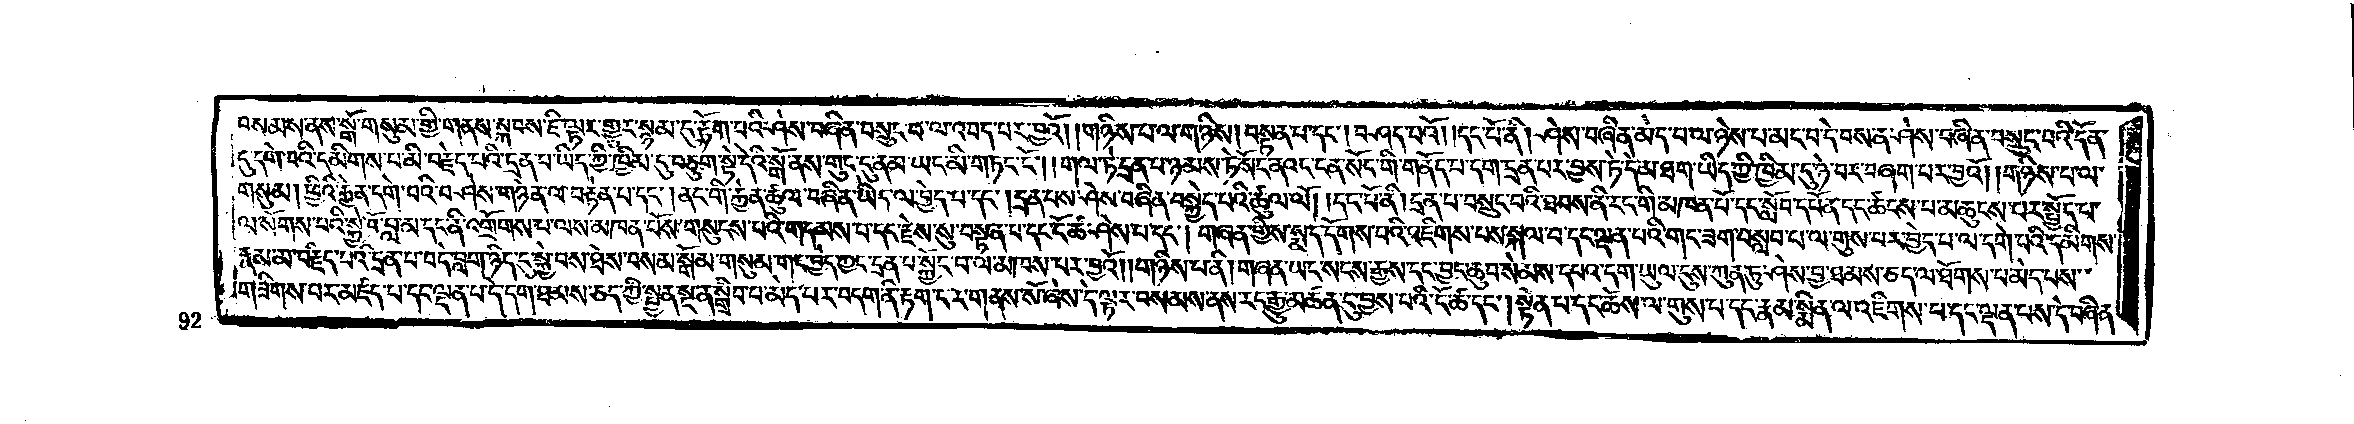བསམས་ནས་སྒོ་གསུམ་གྱི་གནས་སྐབས་ཇི་ལྟར་གྱུར་སྙམ་དུ་རྟོགས་པའི་ཤེས་བཞིན་བསྲུང་བ་ལ་འབད་པར་བྱའོ། །གཉིས་པ་ལ་གཉིས། བསྟན་པ་དང་། བཤད་པའི། །དང་པོ་ནི། ཤེས་བཞིན་མེད་པ་ལ་ཉེས་པ་མང་བ་དེ་བས་ན་ཤེས་བཞིན་བསྲུང་བའི་དོན་
དུ་དགེ་བའི་དམིགས་པ་མི་བརྗེད་པའི་དྲན་པ་ཡིད་ཀྱི་ཁྱིམ་དུ་བཅུག་སྟེ་དེའི་སྒོ་ནས་གུང་དུ་ནམ་ཡང་མི་གཏང་ངོ། །གལ་ཏེ་དྲན་པ་ཉམས་ཏེ་སོང་ནའང་ངན་སོང་གི་གནོད་པ་དག་དྲན་པར་བྱས་ཏེ་དེ་མ་ཐག་ཡིད་ཀྱི་ཁྱིམ་དུ་ཉེ་བར་བཞག་པར་བྱའོ། །གཉིས་པ་ལ་
གསུམ། ཕྱིའི་རྐྱེན་དགེ་བའི་བཤེས་གཉེན་ལ་བརྟེན་པ་དང་། ནང་གི་རྐྱེན་ཚུལ་བཞིན་ཡིད་ལ་བྱེད་པ་དང་། དྲན་པས་ཤེས་བཞིན་བསྐྱེད་པའི་ཚུལ་ལོ། །དང་པོ་ནི། དྲན་པ་བསྲུང་བའི་ཐབས་ནི་རང་གི་མཁན་པོ་དང་སློབ་དཔོན་དང་ཚངས་པ་མཚུངས་པར་སྤྱོད་པ་
ལ་སོགས་པའི་སྐྱེ་བོ་བླ་མ་དང་ནི་འགྲོགས་པ་ལས་མཁན་པོས་གསུངས་པའི་གདམས་པ་དང་རྗེས་སུ་བསྟན་པ་དང་ངོ་ཚ་ཤེས་པ་དང་། གཞན་གྱིས་སྨད་དགོས་པའི་འཇིགས་པས་སྐལ་བ་དང་ལྡན་པའི་གང་ཟག་བསླབ་པ་ལ་གུས་པར་བྱེད་པ་ལ་དགེ་བའི་དམིགས་
རྣམ་མ་བརྗེད་པའི་དྲན་པ་བདེ་བླག་ཉིད་དུ་སྐྱེ་བས་ཉེས་བསམ་སྒོམ་གསུམ་གང་བྱེད་ཀྱང་དྲན་པ་སྐྱོང་བ་ལ་མཁས་པར་བྱའོ། །གཉིས་པ་ནི། གཞན་ཡང་སངས་རྒྱས་དང་བྱང་ཆུབ་སེམས་དཔའ་དག་ཡུལ་དུས་ཀུན་ཏུ་ཤེས་བྱ་ཐམས་ཅད་ལ་ཐོགས་པ་མེད་པས་
གཟིགས་པར་མཛད་པ་དང་ལྡན་པ་དེ་དག་ཐམས་ཅད་ཀྱི་སྤྱན་སྔ་ན་སྒྲིབ་པ་མེད་པར་བདག་ནི་རྟག་དང?་གནས་སོ་ཞེས་དེ་ལྟར་བསམས་ནས་རང་རྒྱུ་མཚན་དུ་བྱས་པའི་ངོ་ཚ་དང་། སྟེན་པ་དང་ཆོས་ལ་གུས་པ་དང་རྣམ་སྨིན་ལ་འཇིགས་པ་དང་ལྡན་པས་དེ་བཞིན་